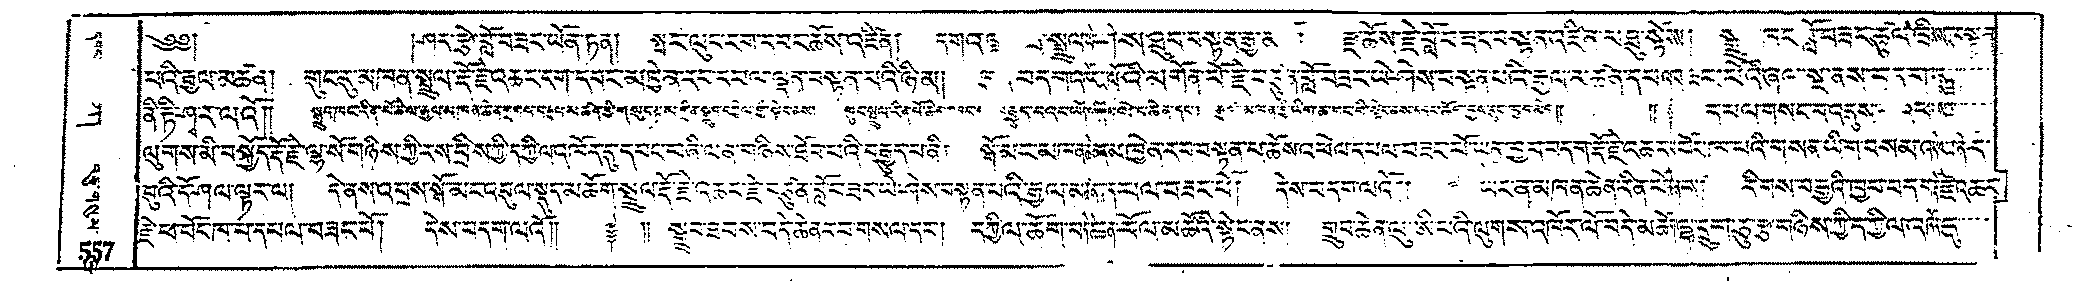༄༅། །ཤར་རྩེ་བློ་བཟང་ཡོན་ཏན། སྤང་ལུང་ངག་དབང་ཆོས་འཛིན། དགའ་ལྟ་བ་སྤྲུལ་ཡེ་ཤེས་ཐུབ་བསྟན་རྒྱ་མཚོ། རྫ་ཆོས་རྗེ་བློ་བཟང་བསྟན་འཛིན་མཐུ་སྟོབས། སྒྲུ་ཁང་བློ་བཟང་ཚུལ་ཁྲིམས་བསྟན་
པའི་རྒྱལ་མཚན། གུང་རུ་མཁན་སྤྲུལ་རྡོ་རྗེ་འཆང་ངག་དབང་མཁྱེན་རབ་དཔལ་ལྡན་བསྟན་པའི་ཉི་མ། ཁྱད་བདག་འཁོར་ལོའི་མགོན་པོ་རྗེ་བཙུན་བློ་བཟང་ཡེ་ཤེས་བསྟན་པའི་རྒྱལ་མཚན་དཔལ་བཟང་པོའི་ཞལ་སྔ་ནས་བདག་པདམ་
ནི་རྟི་ཤྭ་ར་ལའོ།། སྒྲུབ་ཁང་རིན་པོ་ཆེས་རྒྱལ་མཁན་ཆེན་གྲགས་བ་རྒྱལ་མཚན་གྱི་གསུང་རྟ་མགྲིན་སྒྲུབ་དཀྱིལ་གྱི་སྟེང་ནས། གུང་སྤྲུལ་རིན་པོ་ཆེར་གནད་པ་བརྒྱུད་པའང་ཡོད་གཤིས་སེང་ཆེན་དང་། རྒྱལ་མཁན་གྱི་ཡིག་ཆ་གང་གི་སྟེང་ནས་དབང་ཆོག་བྱས་རུང་ཁྱད་མེད།།  །།འདྤལ་གསང་བ་འདུས་པ་འཕགས་
ལུགས་མི་བསྐྱོད་རྡོ་རྗེ་ལྷ་སོ་གཉིས་ཀྱི་རས་བྲིས་ཀྱི་དཀྱིལ་འཁོར་དུ་དབང་བཞི་ལན་གཉིས་ཐོབ་པའི་བརྒྱུད་པ་ནི། སྒོ་མང་མཁན་ཆེན་མཁྱེན་རབ་བསྟན་པ་ཆོས་འཕེལ་དཔལ་བཟང་པོ་ཡན་ཁྱབ་བདག་རྡོ་རྗེ་འཆང་ཕ་བོང་ཁ་པའི་གསན་ཡིག་བསམ་འཕེལ་ནོར་
བུའི་དོ་ཤལ་ལྟར་ལ། དེ་ནས་འབྲས་སྒོ་མང་འབུལ་སྡུད་མཆོག་སྤྲུལ་རྡོ་རྗེ་འཆང་རྗེ་བཙུན་བློ་བཟང་ཡེ་ཤེས་བསྟན་པའི་རྒྱལ་མཚན་དཔལ་བཟང་པོ། དེས་བདག་ལའོ།། ༧་ཡང་ན་མཁན་ཆེན་རིན་པོ་ཆེ་ནས། རིགས་བརྒྱའི་ཁྱབ་བདག་རྡོ་རྗེ་འཆང་
རྗེ་ཕ་བོང་ཁ་པ་དཔལ་བཟང་པོ། དེས་བདག་ལའོ།། ༧་།།སྒྲུབ་ཐབས་བདེ་ཆེན་རབ་གསལ་དང་། དཀྱིལ་ཆོག་བདེ་ཆེན་རོལ་མཚོའི་སྟེང་ནས། གྲུབ་ཆེན་ལུ་ཨི་པའི་ལུགས་འཁོར་ལོ་བདེ་མཆོག་ལྷ་དྲུག་ཅུ་རྩ་གཉིས་ཀྱི་དཀྱིལ་འཁོར་དུ་